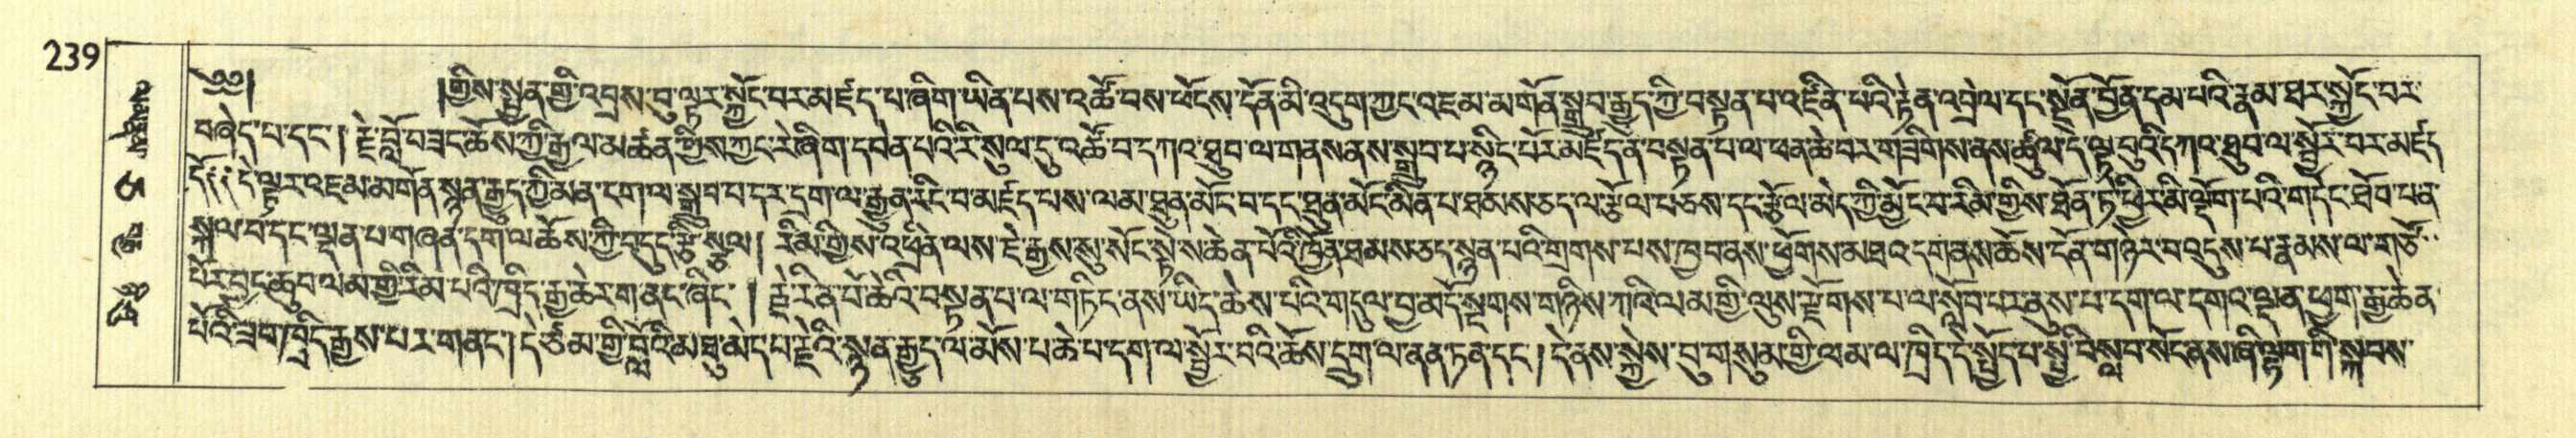༄༅། །གྱིས་སྤྱན་གྱི་འབྲས་བུ་ལྟར་སྐྱོང་བར་མཛད་པ་ཞིག་ཡིན་པས་འཚོ་བས་ཕོངས་དོན་མི་འདུག་ཀྱང་འཇམ་མགོན་སྒྲུབ་རྒྱུད་ཀྱི་བསྟན་པ་འཛིན་པའི་རྟེན་འབྲེལ་དང་སྔོན་བྱོན་དམ་པའི་རྣམ་ཐར་སྐྱོང་བར་
བཞེད་པ་དང་། རྗེ་བློ་བཟང་ཆོས་ཀྱི་རྒྱལ་མཚན་གྱིས་ཀྱང་རེ་ཞིག་དབེན་པའི་རི་སུལ་དུ་འཚོ་བ་དཀའ་ཐུབ་ལ་གནས་ནས་སྒྲུབ་པ་སྙིང་པོར་མཛད་ན་བསྟན་པ་ལ་ཕན་ཆེ་བར་གཟིགས་ནས་ཚུལ་དེ་ལྟ་བུའི་དཀའ་ཐུབ་ལ་སྦྱོར་བར་མཛད་
དོ༑ ༑དེ་ལྟར་འཇམ་མགོན་སྙན་རྒྱུད་ཀྱི་མན་ངག་ལ་སྒྲུབ་བ་དར་དྲག་ལ་རྒྱུན་རིང་བ་མཛད་པས་ལམ་ཐུན་མོང་བ་དང་ཐུན་མོང་མིན་པ་ཐམས་ཅད་ལ་རྩོལ་བཅས་དང་རྩོལ་མེད་ཀྱི་མྱོང་བ་རིམ་གྱིས་ཐོན་ཏེ་ཕྱིར་མི་ལྡོག་པའི་གདེང་ཐོབ་པ་ན་
སྐལ་བ་དང་ལྡན་པ་གཞན་དག་ལ་ཆོས་ཀྱི་བདུད་རྩི་སྩལ། རིམ་གྱིས་འཕྲིན་ལས་རྗེ་རྒྱས་སུ་སོང་སྟེ་ས་ཆེན་པོའི་ཁྱོན་ཐམས་ཅད་སྙན་པའི་གྲགས་པས་ཁྱབ་ནས་ཕྱོགས་མཐའ་དག་ནས་ཆོས་དོན་གཉེར་བ་འདུས་པ་རྣམས་ལ་གཙོ་
པོར་བྱང་ཆུབ་ལམ་གྱི་རིམ་པའི་ཁྲིད་རྒྱ་ཆེར་གནང་ཞིང་། རྗེ་རིན་པོ་ཆེའི་བསྟན་པ་ལ་གཏིང་ནས་ཡིད་ཆེས་པའི་གདུལ་བྱ་མདོ་སྔགས་གཉིས་ཀའི་ལམ་གྱི་ལུས་རྫོགས་པ་ལ་སློབ་པར་ནུས་པ་དག་ལ་དགའ་ལྡན་ཕྱག་རྒྱ་ཆེན་
པོའི་ཟབ་ཁྲིད་རྒྱས་པར་གནང་། དེ་ཙམ་གྱི་བློའི་མཐུ་མེད་པ་རྗེའི་སྙན་རྒྱུད་ལ་མོས་པ་ཆེ་བ་དག་ལ་སྦྱོར་བའི་ཆོས་དྲུག་ལ་ནན་ཏན་དང་། དེ་ནས་སྐྱེས་བུ་གསུམ་གྱི་ལམ་ལ་ཁྲིད་དེ་སྤྱོད་པ་སྤྱི་བསླབ་སོང་ནས་ཞི་ལྷག་གི་སྐབས་